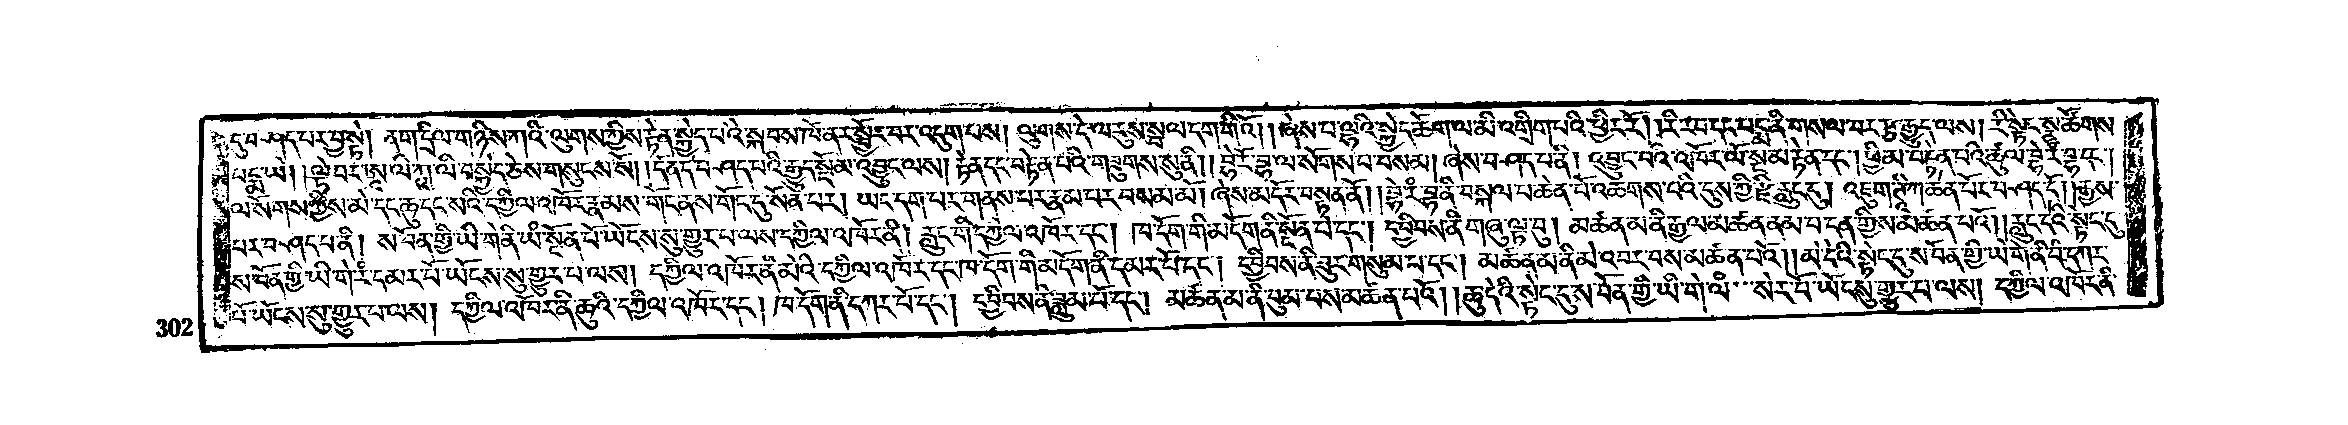དུ་བཤད་པར་བྱ་སྟེ། ནག་དྲིལ་གཉིས་ཀའི་ལུགས་ཀྱིས་རྟེན་སྐྱེད་པའི་སྐབས་ཁོ་ནར་སྦྱོར་བར་འདུག་པས། ལུགས་དེ་ལ་རུས་སྦལ་དག་གིའོ། །ཞེས་པ་ལྷའི་སྐྱེད་ཆོག་ལ་མི་འགྲིག་པའི་ཕྱིར་རོ། །རི་རབ་དང་པདམ་ནི་གསལ་བར་རྩ་རྒྱུད་ལས། རི་སྟེང་སྣ་ཚོགས་
པདམ་ཡེ། །ལྟེ་བར་ཨཱ་ལི་བསྐྱེད་ཅེས་གསུངས་སོ། །དོན་དེ་བཤད་པའི་རྒྱུད་སྡོམ་འབྱུང་ལས། རྟེན་དང་བརྟེན་པའི་གཟུགས་སུ་ནི། །བྷེ་རཾ་བྷ་ལ་སོགས་པ་བསམ། ཞེས་བཤད་པ་ནི། འབྱུང་བའི་འཁོར་ལོ་སྔ་མ་རྟེན་དང་། ཕྱི་མ་བརྟེན་པའི་ཚུལ་བྷེ་རཾ་བྷ་དང་།
ལ་སོགས་ཀྱིས་མེ་དང་ཆུ་དང་སའི་དཀྱིལ་འཁོར་རྣམས་གོང་ནས་གོང་དུ་སོན་པར། ཡང་དག་པར་གནས་པར་རྣམ་པར་བསམ་མོ། ཞེས་མདོར་བསྟན་ནོ། །བྷེ་རཾ་བྷ་ནི་བསྐལ་པ་ཆེན་པོ་འཆགས་པའི་དུས་ཀྱི་རྫི་རླུང་དུ། འཇུག་ཊཱི་ཀ་ཆེན་པོར་བཤད་དོ། །རྒྱས་
པར་བཤད་པ་ནི། ས་བོན་གྱི་ཡི་གེ་ནི་ཡཾ་སྔོན་པོ་ཡོངས་སུ་གྱུར་པ་ལས་དཀྱིལ་འཁོར་ནི། རླུང་གི་དཀྱིལ་འཁོར་དང་། ཁ་དོག་གི་མདོག་ནི་སྔོན་པོ་དང་། དབྱིབས་ནི་གཞུ་ལྟ་བུ། མཚན་མ་ནི་རྒྱལ་མཚན་ནམ་བ་དན་གྱིས་མཚན་པའོ། །རླུང་དེའི་སྟེང་དུ་
ས་བོན་གྱི་ཡི་གེ་རཾ་དམར་པོ་ཡོངས་སུ་གྱུར་པ་ལས། དཀྱིལ་འཁོར་ནི་མེའི་དཀྱིལ་འཁོར་དང་ཁ་དོག་གི་མདོག་ནི་དམར་པོ་དང་། དབྱིབས་ནི་ཟུར་གསུམ་པ་དང་། མཚན་མ་ནི་མེ་འབར་བས་མཚན་པའོ། །མེ་དེའི་སྟེང་དུ་ས་བོན་གྱི་ཡི་གེ་ནི་བཾ་དཀར་
པོ་ཡོངས་སུ་གྱུར་པ་ལས། དཀྱིལ་འཁོར་ནི་ཆུའི་དཀྱིལ་འཁོར་དང་། ཁ་དོག་ནི་དཀར་པོ་དང་། དབྱིབས་ནི་ཟླུམ་པོ་དང་། མཚན་མ་ནི་བུམ་པས་མཚན་པའོ། །ཆུ་དེའི་སྟེང་དུ་ས་བོན་གྱི་ཡི་གེ་ལཾ་སེར་པོ་ཡོངས་སུ་གྱུར་པ་ལས། དཀྱིལ་འཁོར་ནི་